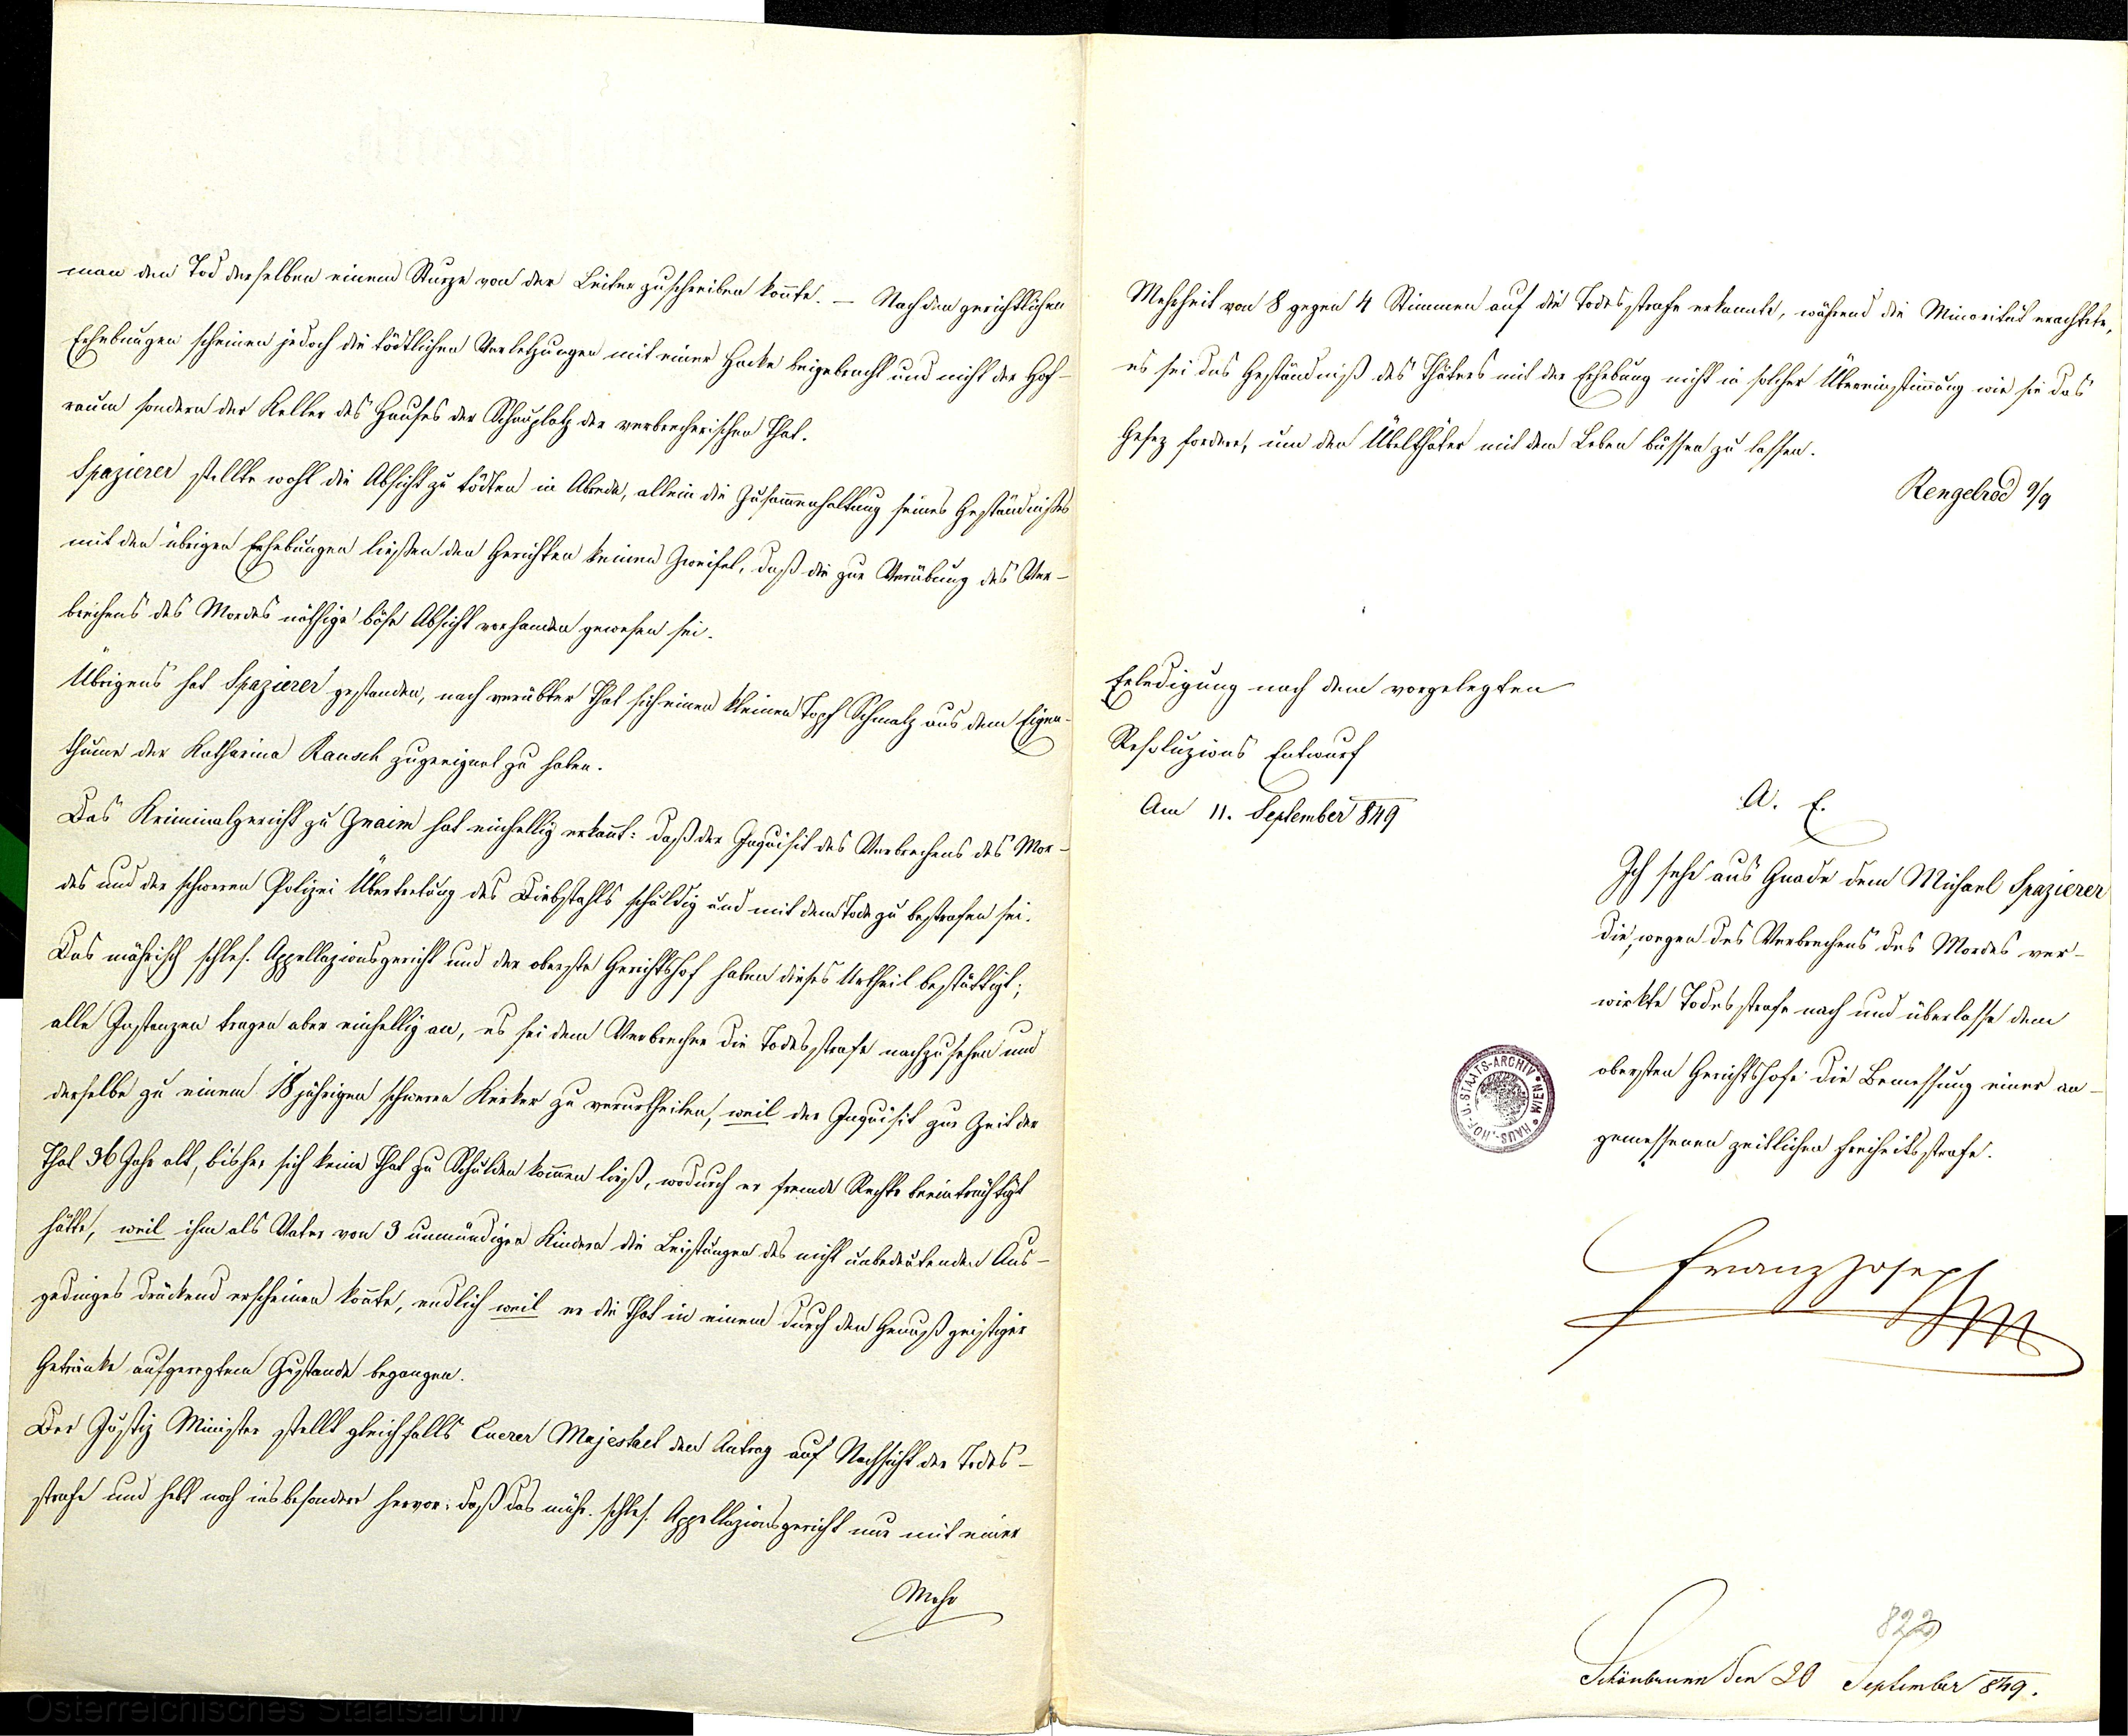man den Tod derselben einen Sturze von der Leiter zuschreiben konnte. Nach den gerichtlichen
Erhebungen scheinen jedoch die tödtlichen Verletzungen mit einer Hacke beigebracht und nicht der Hof¬
raum sondern der Keller des Hauses der Schauplatz der verbrecherischen That.
Spazierer stellte wohl die Absicht zu tödten in Abrede, allein die Zusammenhaltung seines Geständnißes
mit den übrigen Erhebungen ließen den Gerichten keinen Zweifel, daß die zur Verübung des Ver¬
brechens des Mordes nöthige böse Absicht vorhanden gewesen sei.
Übrigens hat Spazierer gestanden, nach verübter That sich einen kleinen Topf Schmalz aus dem Eigen¬
thume der Katharina Rausch zugeeignet zu haben.
Das Kriminalgericht zu Znaim hat einhellig erkannt: daß der Inquisit des Verbrechens des Mor¬
des und der schweren Polizei Übertretung des Diebstahls schuldig und mit dem Tode zu bestrafen sei.
Das mährisch schles. Appellazionsgericht und der oberste Gerichtshof haben dieses Urtheil bestättigt;
alle Instanzen tragen aber einhellig an, es sei dem Verbrechen die Todesstrafe nachzusehen und
derselbe zu einem 18jährigen schweren Kerker zu verurtheilen, weil der Inquisit zur Zeit der
That 36 Jahr alt, bisher sich keine That zu Schulden kommen ließ, wodurch er fremde Rechte beeinträchtigt
hätte, weil ihm als Vater von 3 unmündiger Kinder die Leistungen des nicht unbedeutenden Aus¬
gedinges drückend erschienen konnte, endlich weil er die That in einem durch den Genuß geistiger
Getränke aufgeregten Zustande begangen.
Der Justiz Minister stellt gleichfalls Euerer Majestät den Antrag auf Nachsicht der Todes¬
strafe und hebt noch insbesondere hervor, daß das mähr. schles. Appellazionsgericht nur mit einer
mehr
Mehrheit von 8 gegen 4 Stimmen auf die Todesstrafe erkannte, während die Minorität erachtete
es sei das Geständniß des Thäters mit der Erhebung nicht in solcher Übereinstimmung wie sie das
Gesez fordern, um den Übelthäter mit dem Leben büssen zu lassen
Rengelrod 9/9
Erledigung nach dem vorgelegten
Resoluzions Entwurf
Am 11. September 849
A. E.
Ich sehe aus Gnade dem Michael Spazierer
die, wegen des Verbrechens des Mordes ver¬
wirkte Todesstrafe nach und überlasse dem
obersten Gerichtshofe die Bestimmung einer an¬
gemessenen zeitlichen Freiheitsstrafe.
Franz Joseph
Schönbrunn den 20. September 849
822